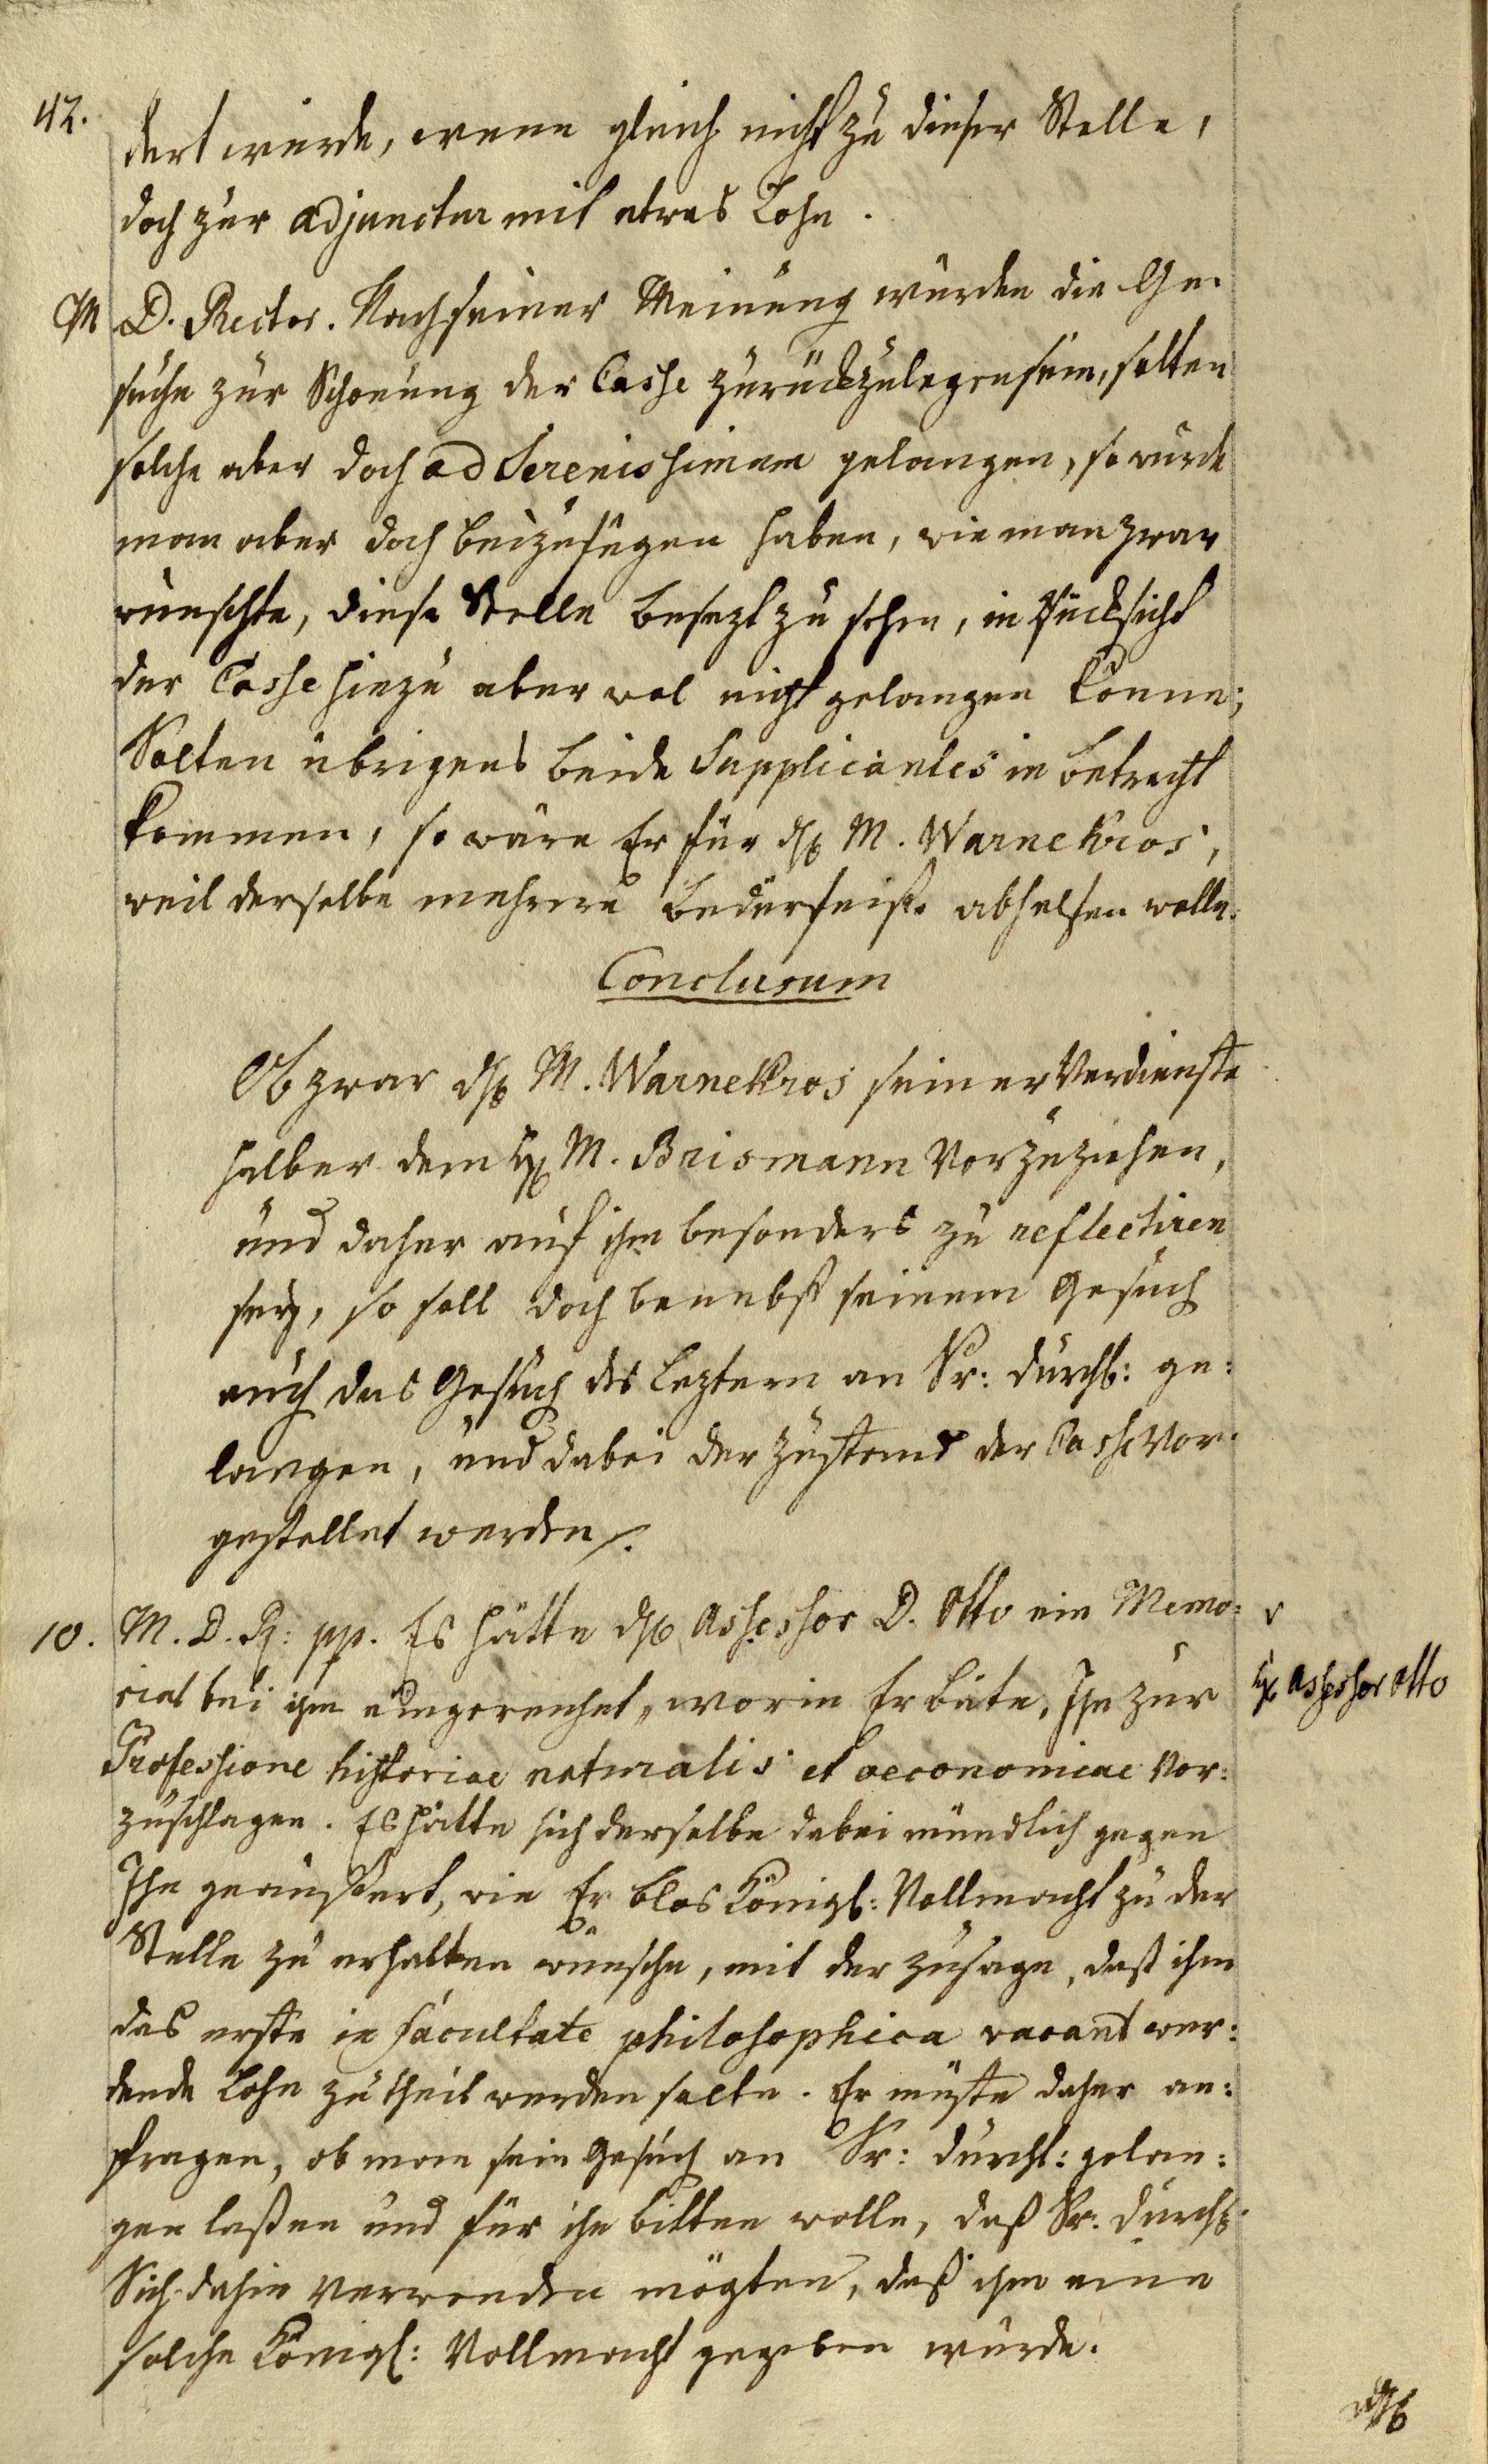dert würde, wenn gleich nicht zu dieser Stelle,
doch zur Adjunctur mit etwas Lohn.
M. D. Rector. Nach seiner Meinung würden die Ge¬
suche zur Schonung der Casse zurückzulegen sein, solten
solche aber doch ad Serenissimum gelange, so würde
man aber doch beizufügen haben, wie man zwar
wünschte, diese Stelle besezt zu sehen, in Rücksicht
der Casse hiezu aber wol nicht gelangen könne;
Solten übrigens beide Supplicantes in Betracht
kommen, so wäre Er für dh M. Warnekros,
weil derselbe mehrere Bedürfnisse abhelfen wolle.
Conclusum
Obzwar dh M. Warnekros seiner Verdienste
halber dem h. M. Brismann vorzuziehen,
und daher auf ihm besonders zu reflectiren
seÿ, so soll doch benebst seinem Gesuch
auch das Gesuch des leztern an Sr Durchl. ge¬
langen, und dabei der Zustand der Casse vor¬
gestellet werden.
10. M. D. R. pp. Es hätte dh Assessor D. Otto ein Memo¬
ria bei ihm eingereichet, worin Er bäte, Ihn zur
Professione historiae naturalis et oeconomiae vor¬
zuschlagen. Es hätte sich derselbe dabei mündlich gegen
Ihn geäußert, wie Er blos Königl. Vollmacht zu der
Stelle zu erhalten wünsche, mit der Zusage, daß ihm
das erste in Facultate philosophica vacant wer¬
dende Lohn zu theil werden solte. Er müste daher an¬
fragen, ob man sein Gesuch an Sr Durchl. gelan¬
gen laßen und für ihn bitten wolle, daß Sr Durchl.
Sich dahin verwenden mögten, daß ihm eine
solche Königl. Vollmacht gegeben würde.